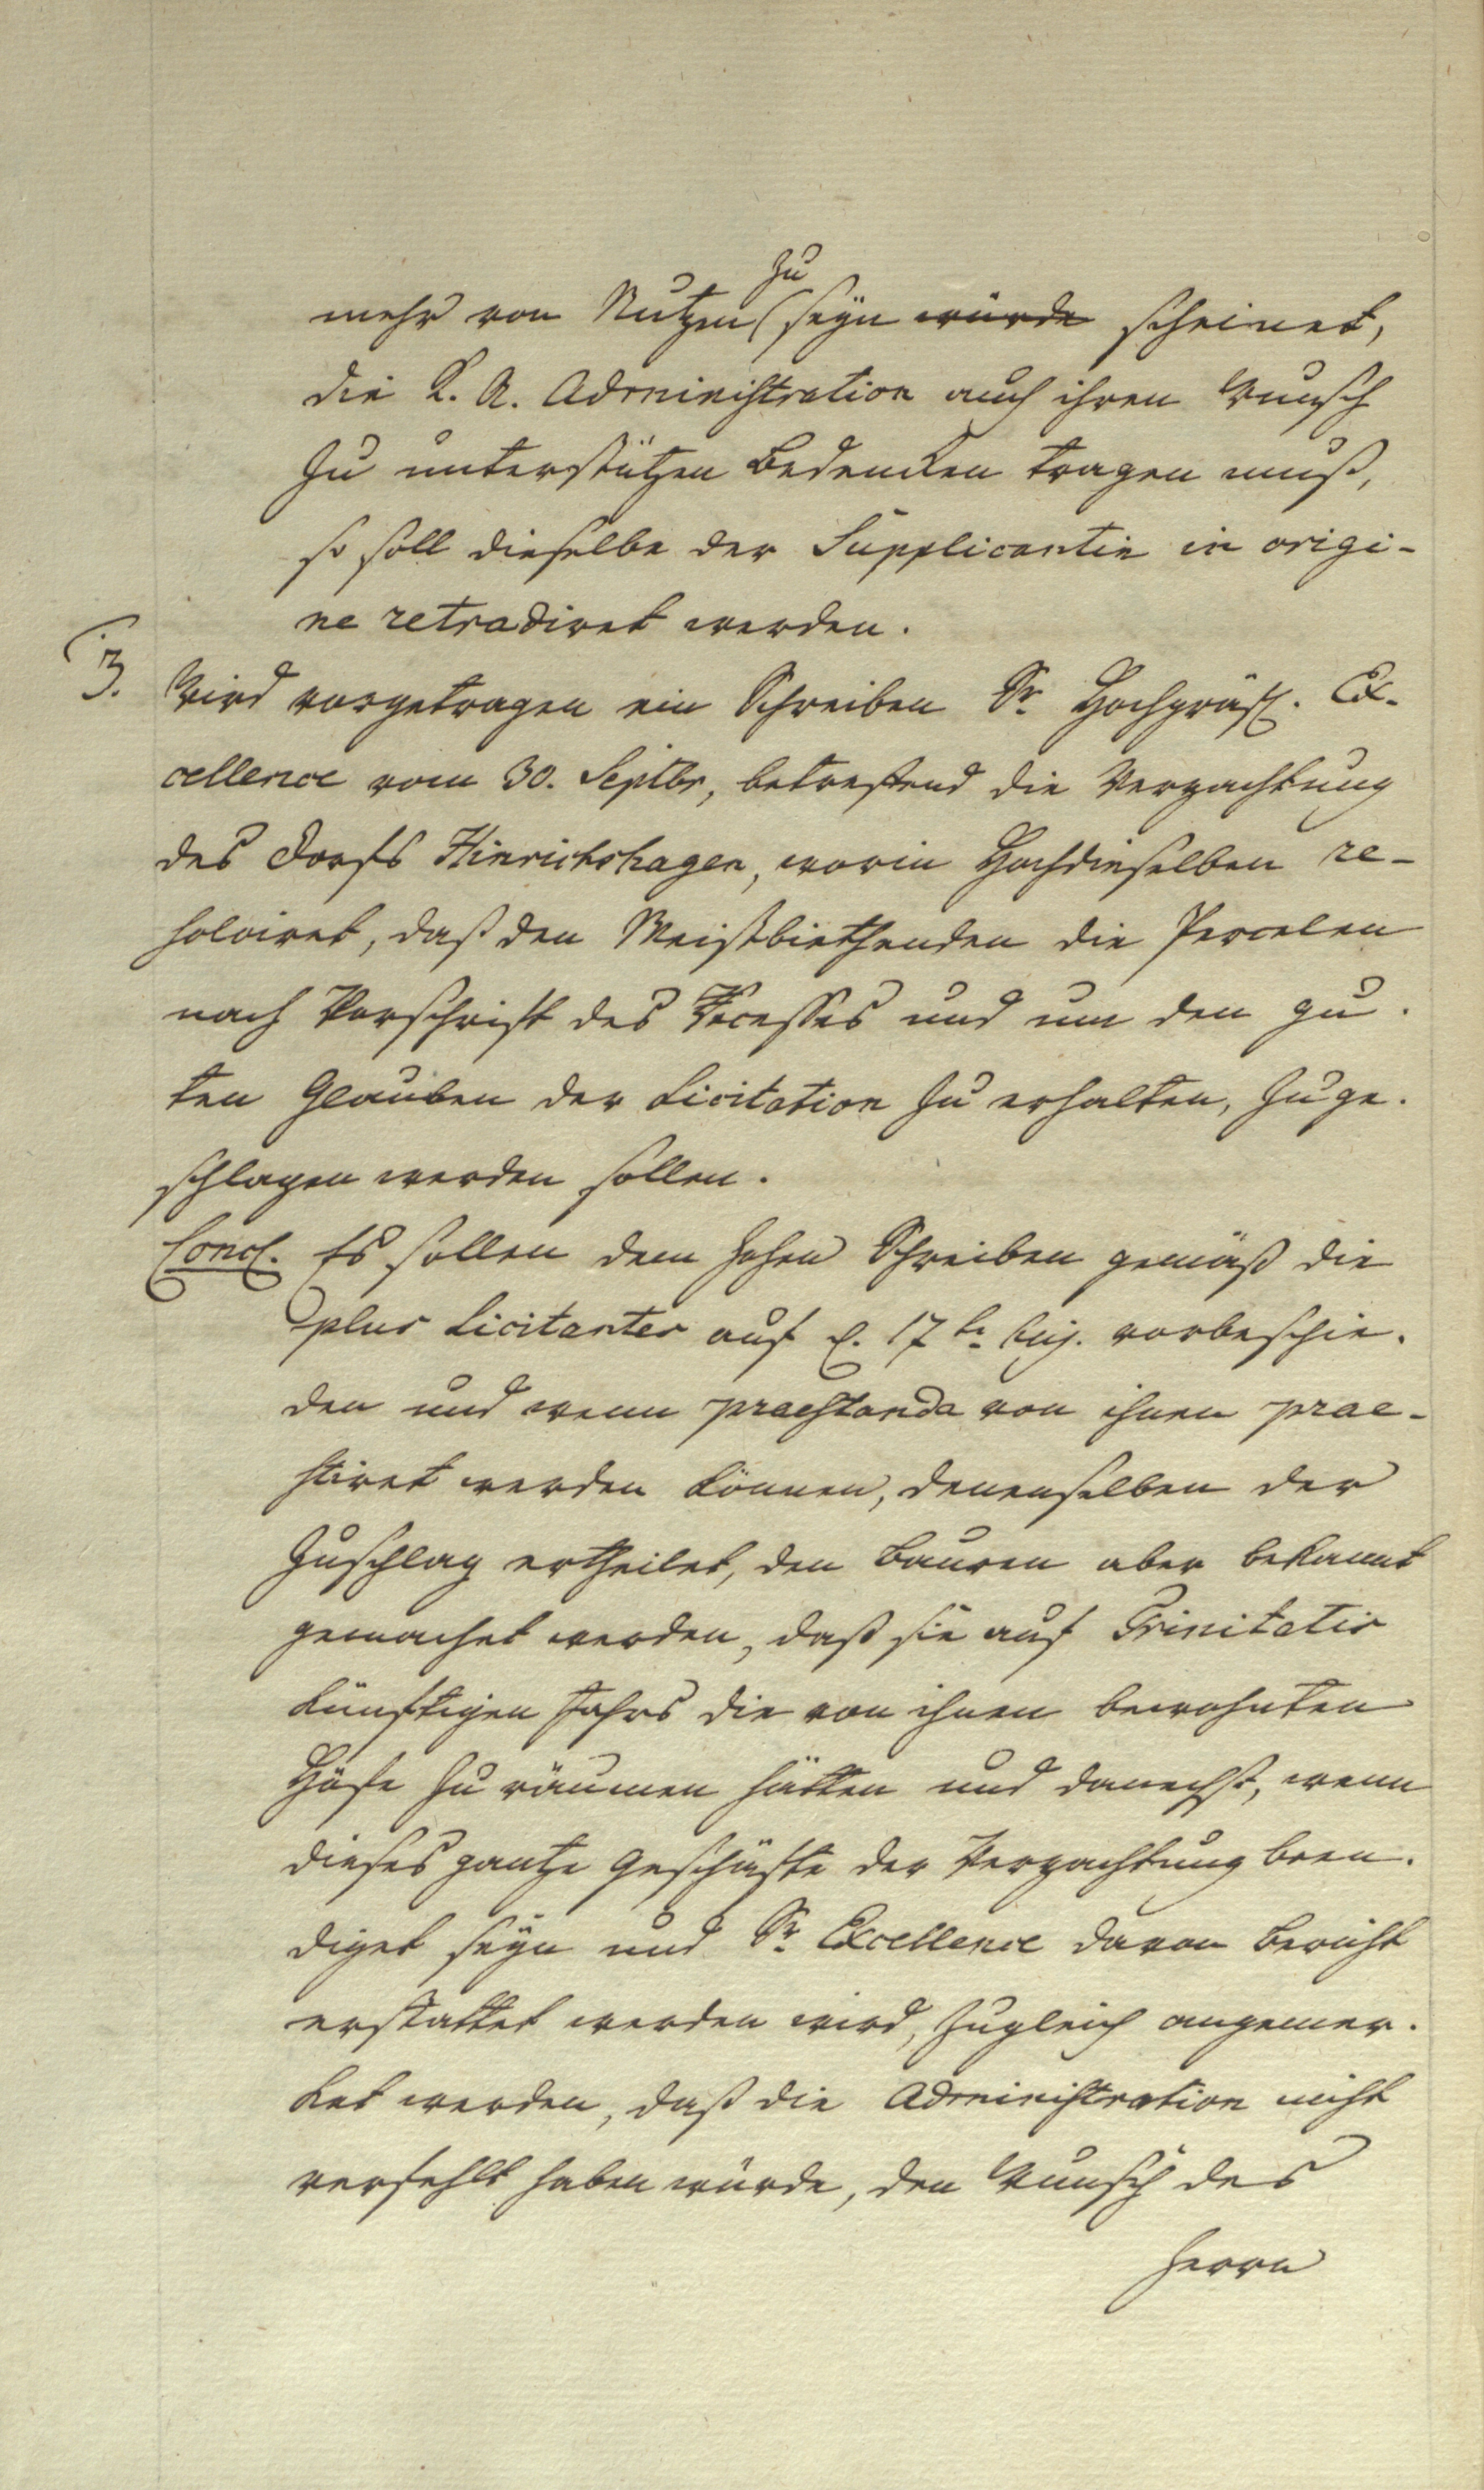mehr von Nutzen zu seÿn würde scheinet,
die K. A. Administration auch ihren Wunsch
zu unterstützen Bedencken tragen muß,
so soll dieselbe der Supplicantin in origi¬
ne retradiret werden.
3. Wird vorgetragen ein Schreiben Sr Hochgräfl. Ex¬
cellence vom 30. Septbr, betreffend die Verpachtung
des Dorfs Hinrichshagen, worin Hochdieselben re¬
solviret, daß den Meistbiethenden die Percelen
nach Vorschrift des Recesses und eine den gu¬
ten Glauben der Licitation zu erhalten, zuge¬
schlagen werden sollen.
Concl. Es sollen dem hohen Schreiben gemäß die
plus Licitantes auf d. 17 ten huj. vorbeschie¬
den und wenn praestanda von ihnen prae¬
stiret werden können, denenselben der
Zuschlag ertheilet, den Bauren aber bekannt
gemachet werden, daß sie auf Trinitatis
künftigen Jahres die von ihnen bewohnten
Höfe zu räumen hätten und danechst, wenn
dieses gantze Geschäfte der Verpachtung been¬
diget seÿn und Sr Excellence davon Bericht
erstattet werden wird, zugleich angemer¬
ket werden, daß die Administration nicht
verfehlt haben würde, den Wunsch des
Herrn